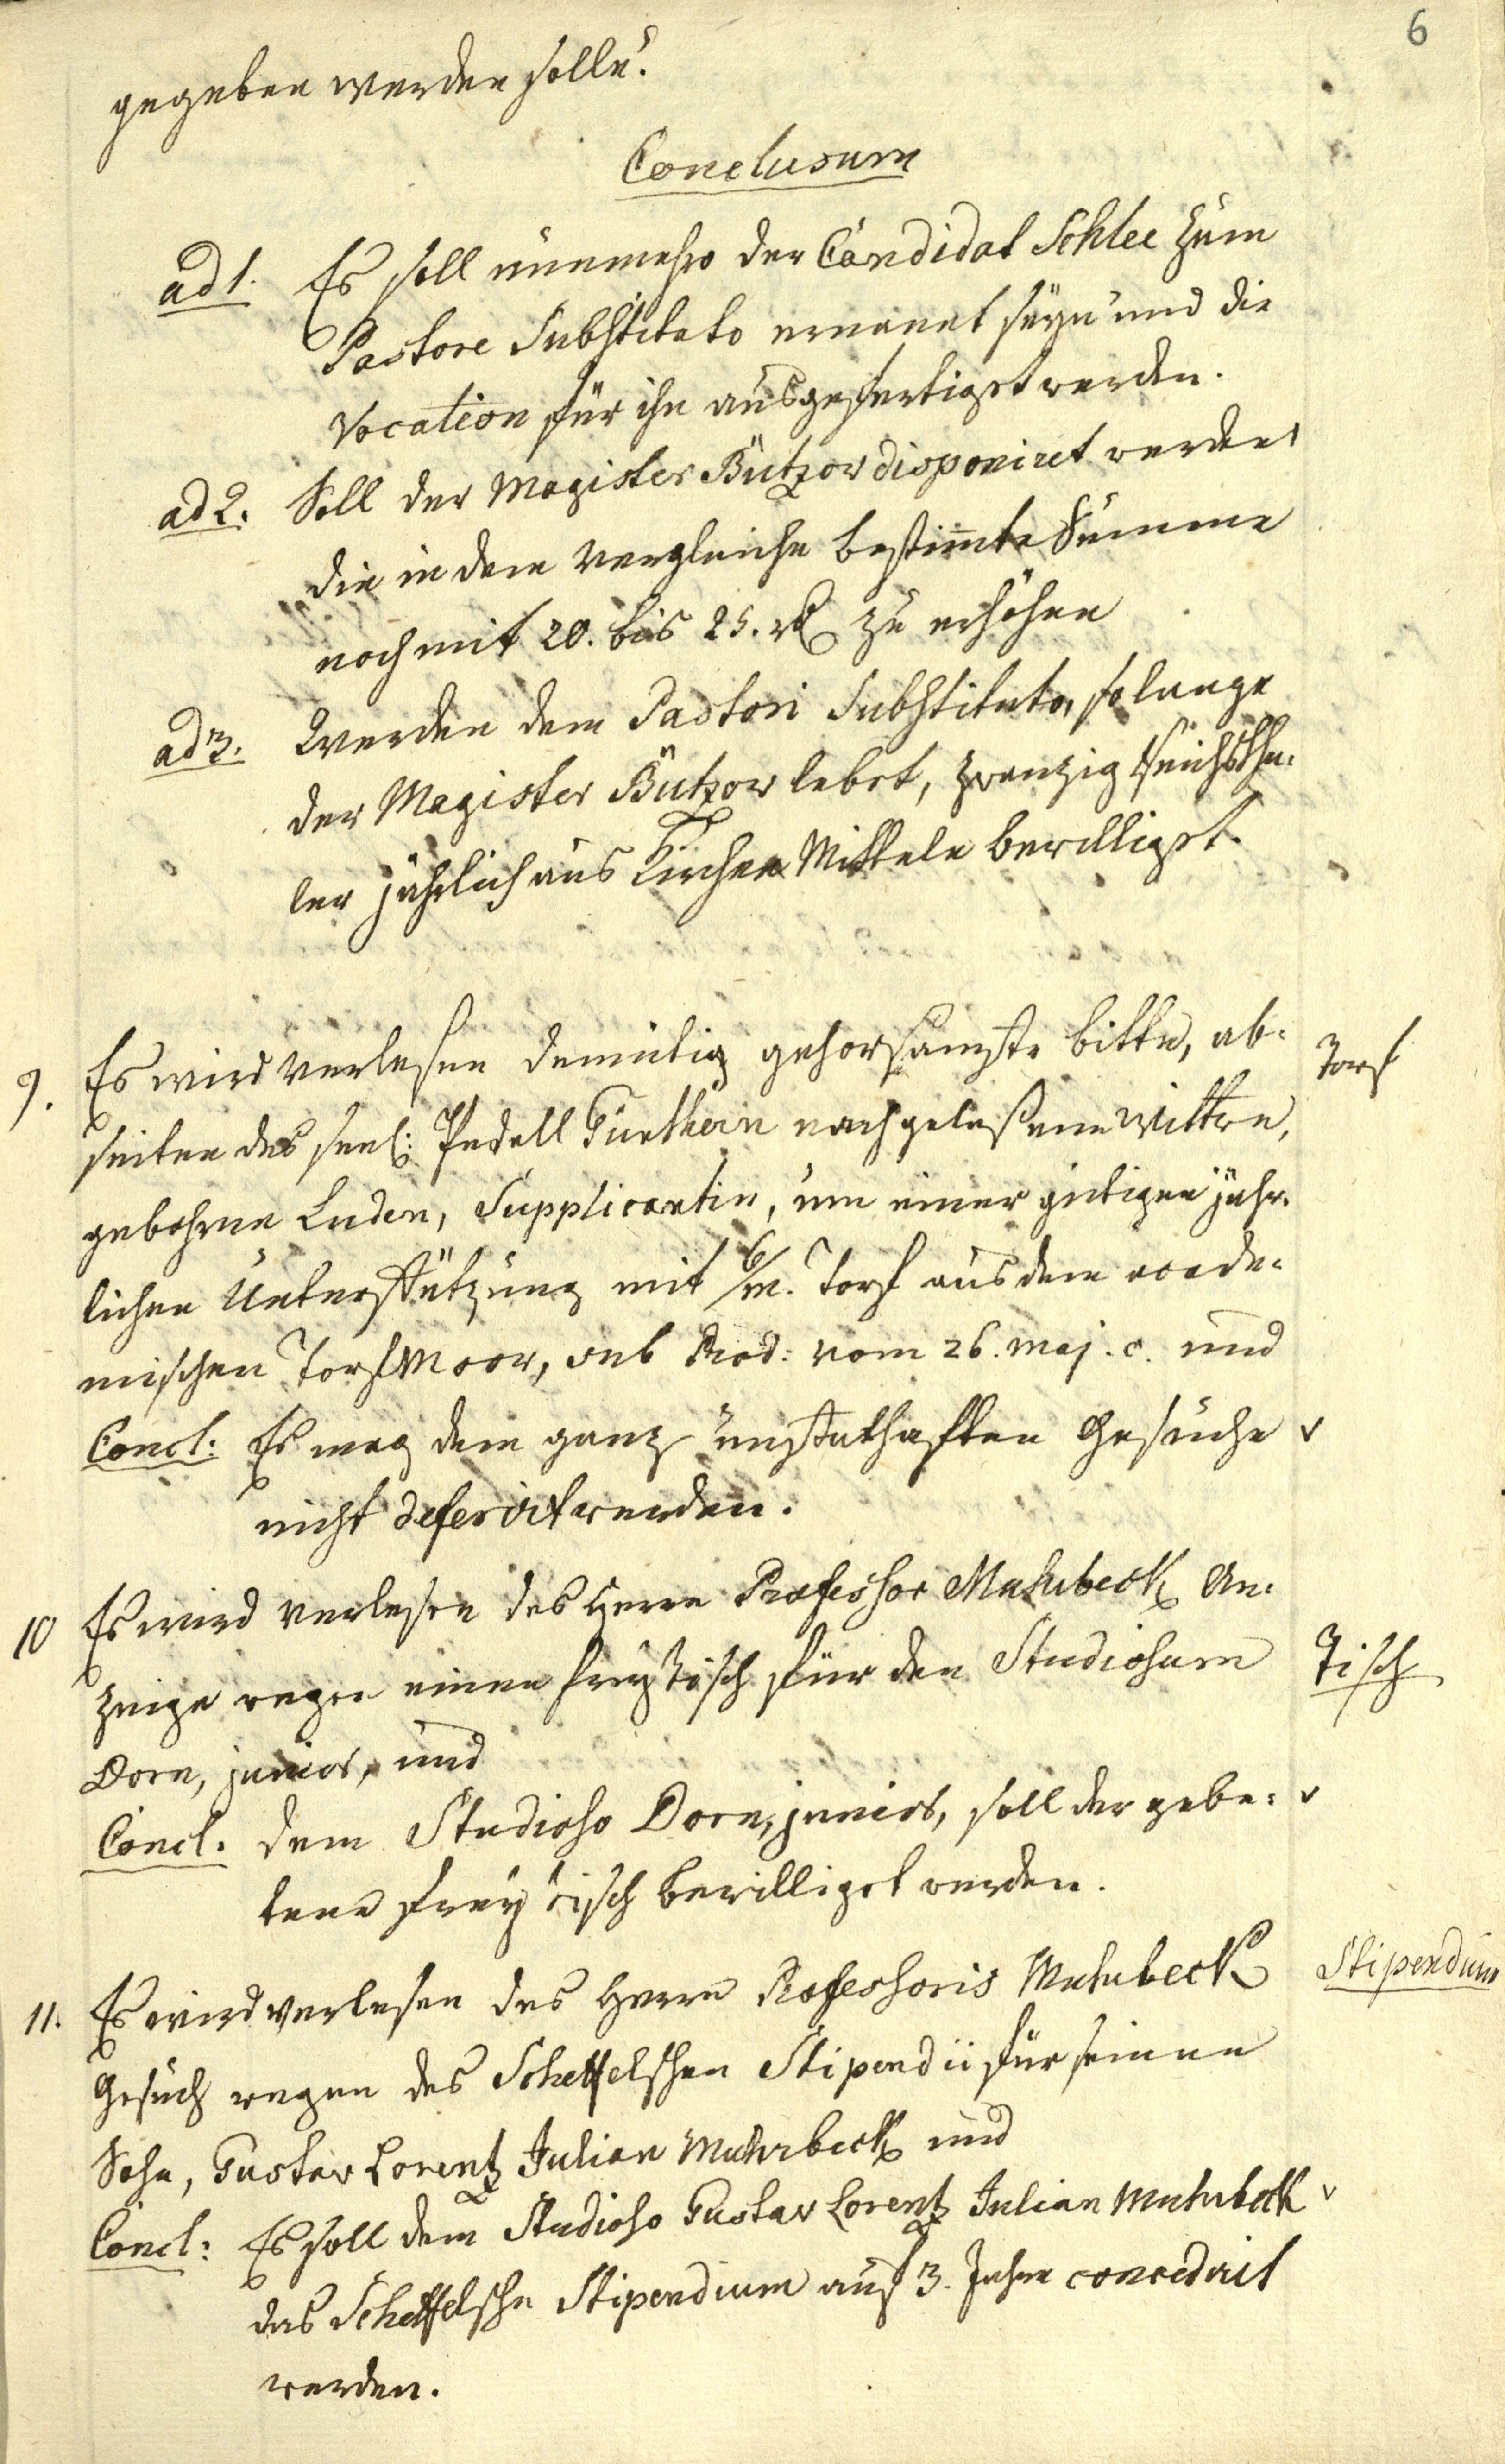gegeben werden solle?
Conclusum
ad 1. Es soll nunmehro der Candidat Schlee zum
Pastore Substituto ernannt seÿn und die
Vocation für ihn ausgefertiget werden.
ad 2. Soll der Magister Bützow disponiret werden,
die in dem Vergleiche bestimte Summe
noch mit 20. bis 25. rl. zu erhöhen.
ad 3. Werden dem Pastori Substituto, so lange
der Magister Bützow lebet, zwanzig Reichstha¬
ler jährlich aus Kirchen Mitteln bewilliget.
9. Es wird verlesen demütig gehorsamste Bitte, ab¬
seiten des seel. Pedell Gurterin nach gelaßene Wittwe,
gebohrne Luden, Supplicantin, um einer gütigen jähr¬
lichen Unterstützung mit 6/m Torf aus dem acade¬
mischen TorfMoor, sub Prod. vom 26 maj. c. und
Concl. Es mag dem ganz unstathaften Gesuche
nicht deferirt werden.
10 Es wird verlesen des Herrn Professor Muhrbeck An¬
zeige wegen einen freÿtisch für den Studiosum
Dorn, junior, und
Concl. dem Studioso Dorn, junior, soll der gebe¬
tene freÿtisch bewilliget werden.
11. Es wird verlesen des Herrn Professoris Muhrbeck
Gesuch wegen des Scheffelschen Stipendii für seinen
Sohn, Gustav Lorentz Julian Muhrbeck und
Concl. Es soll dem Studioso Gustav Lorentz Julius Muhrbeck
das Scheffelsche Stipendium auf 3 Jahre concediret
werden.